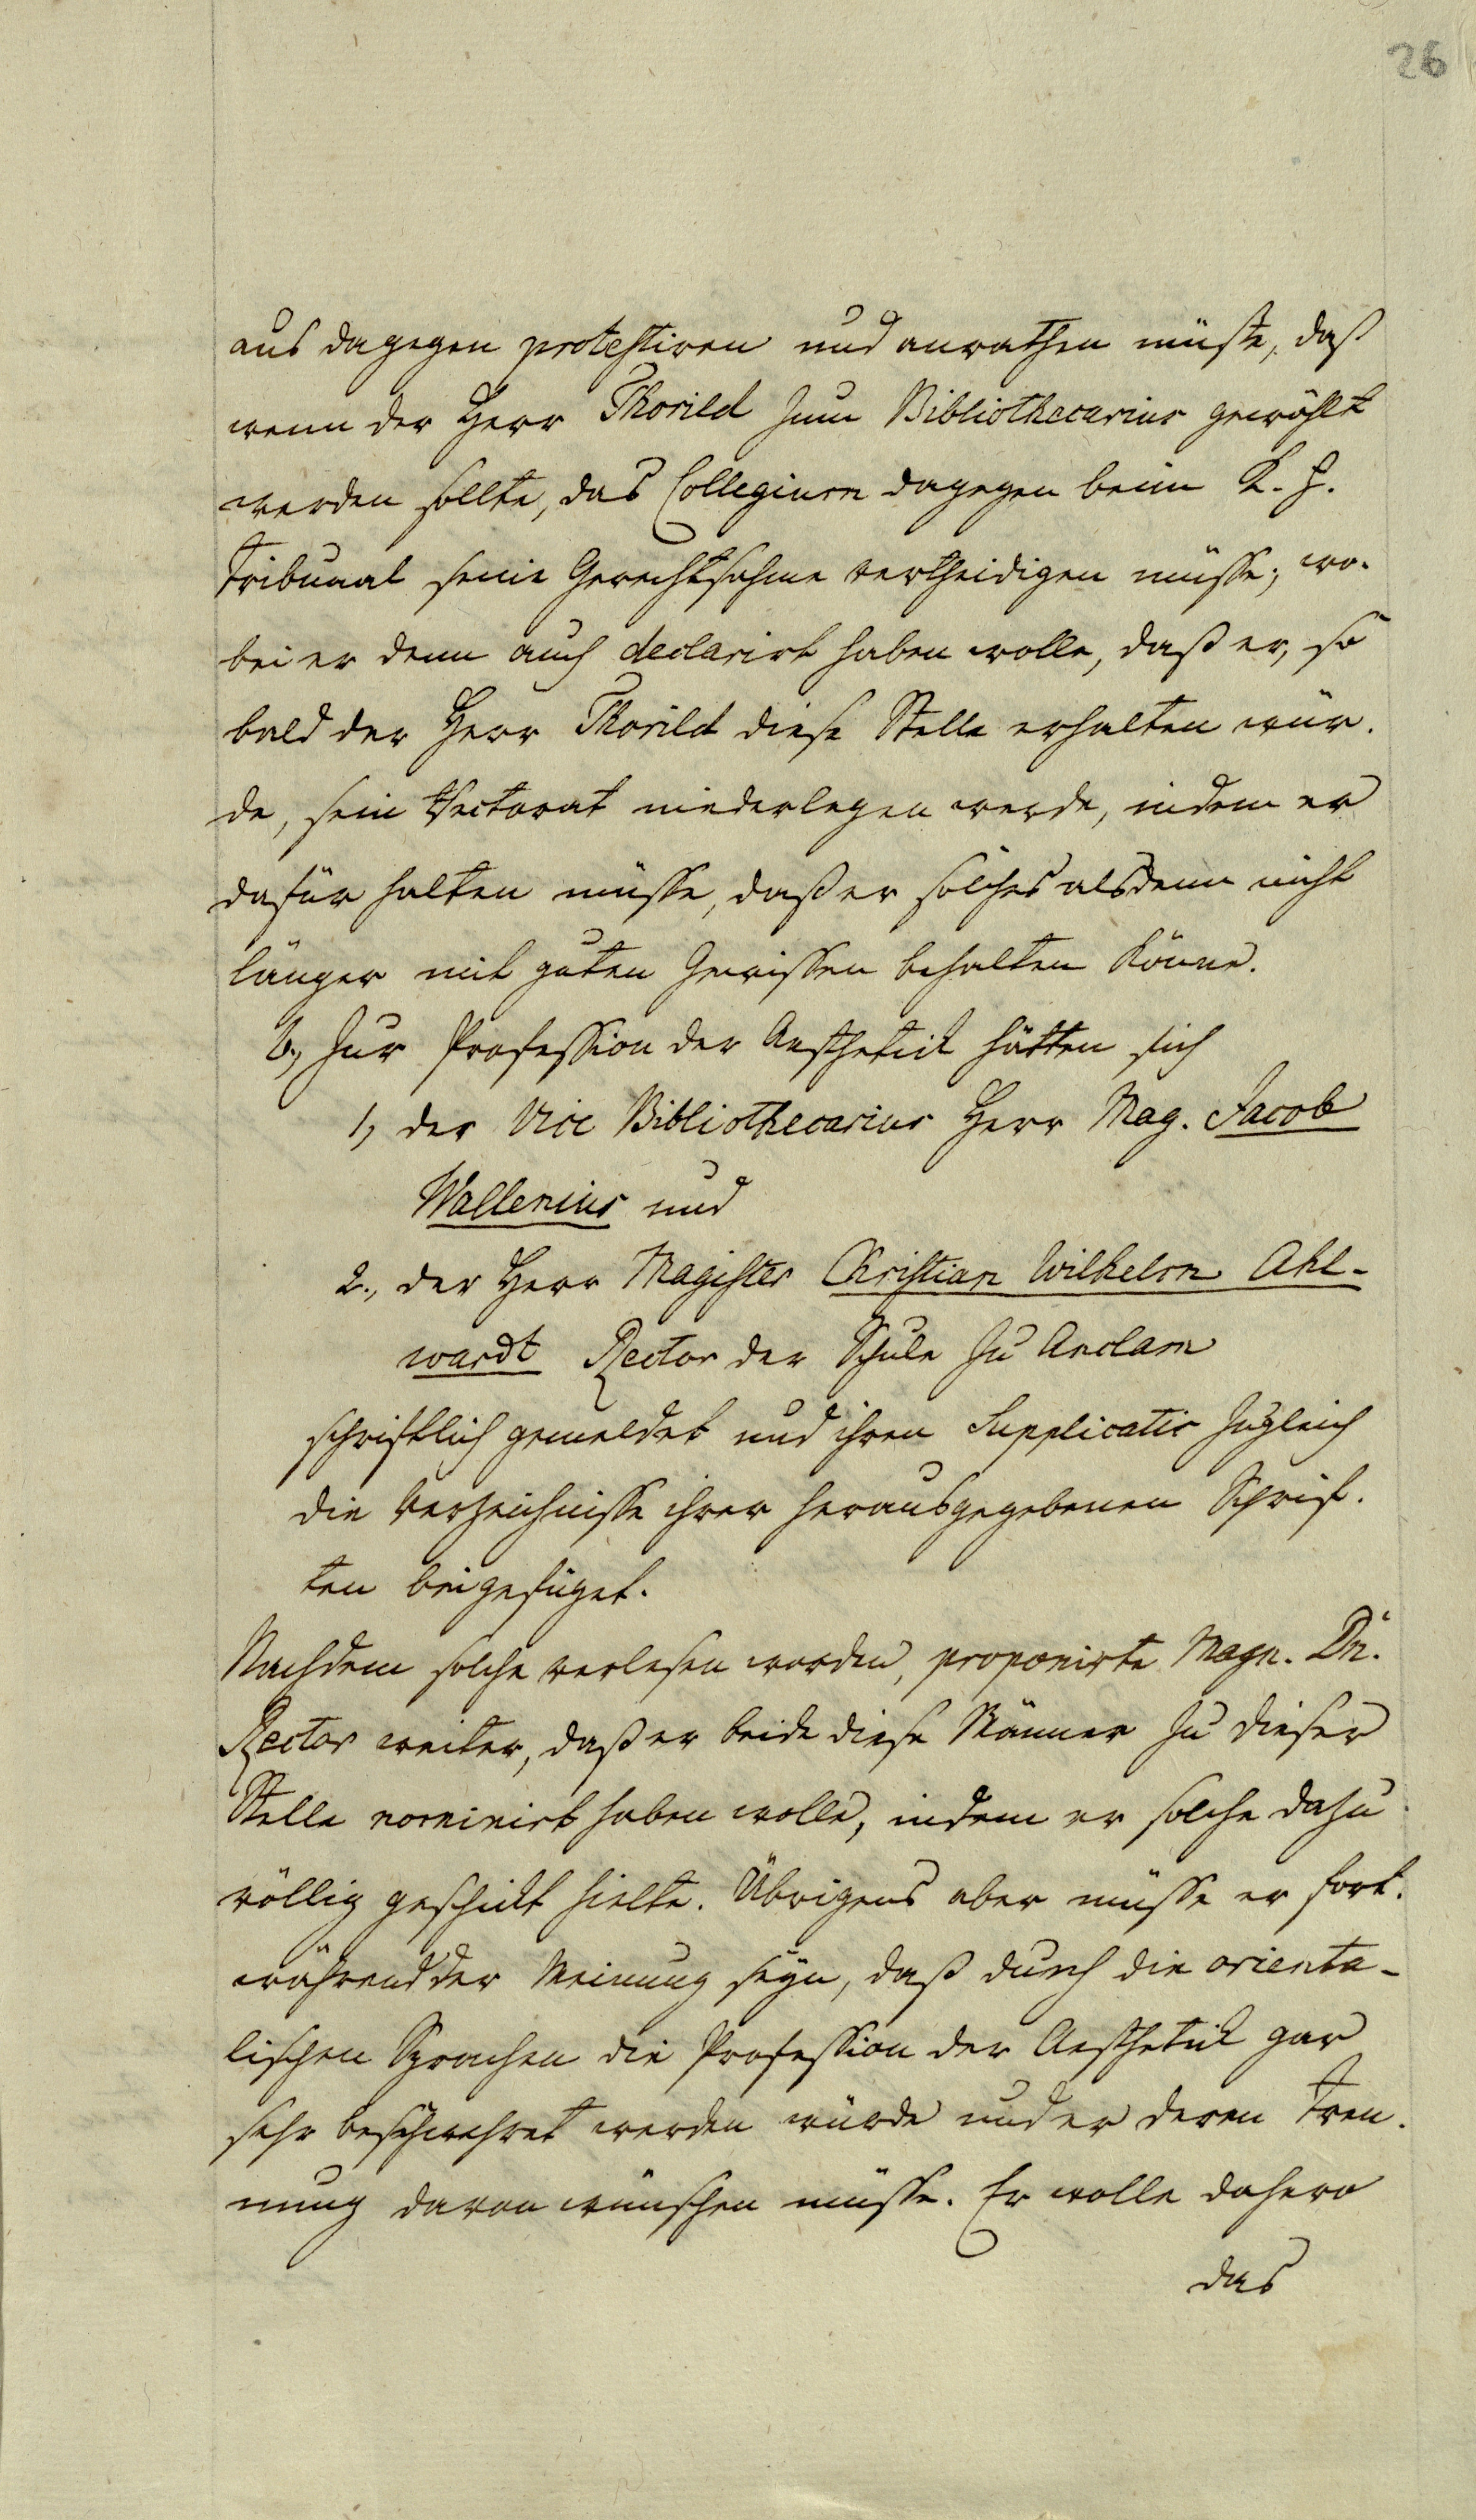aus dagegen protestiren und anrathen müßte, daß
wenn der Herr Thorild zum Bibliothecarius gewählt
werden sollte, das Collegium dagegen beim K. H.
Tribunal seine Gerechtsahme vertheidigen müsse; wo¬
bei er denn auch declarirt haben wolle, daß er, so¬
bald der herr Thorild diese Stelle erhalten wür¬
de, sein Rectorat niederlegen werde, indem er
dafür halten müsse, daß er solches alsdann nicht
länger mit guten Gewissen behalten könne.
b., Zur Profession der Aesthetick hätten sich
1., der Vice Bibliothecarius Herr Mag. Jacob
Wallenius und
2., der Herr Magister Christian Wilhelm Ahl¬
wardt Rector der Schule zu Anclam
schriftlich gemeldet und ihren Supplicatis zugleich
die Verzeichnisse ihrer herausgegebenen Schrif¬
ten beigefüget.
Nachdem solche verlesen worden, proponirte Magn. Dn.
Rector weiter, daß er beide diese Männer zu dieser
Stelle nominirt haben wolle, indem er solche dazu
völlig geschickt hielte. Übrigens aber müsse er fort¬
während der Meinung seÿn, daß durch die orienta¬
lischen Sprachen die Profession der Aesthetick gar
sehr beschwehret werden würde und er deren Tren¬
nung davon wünschen müsse. Er wolle dahero
das